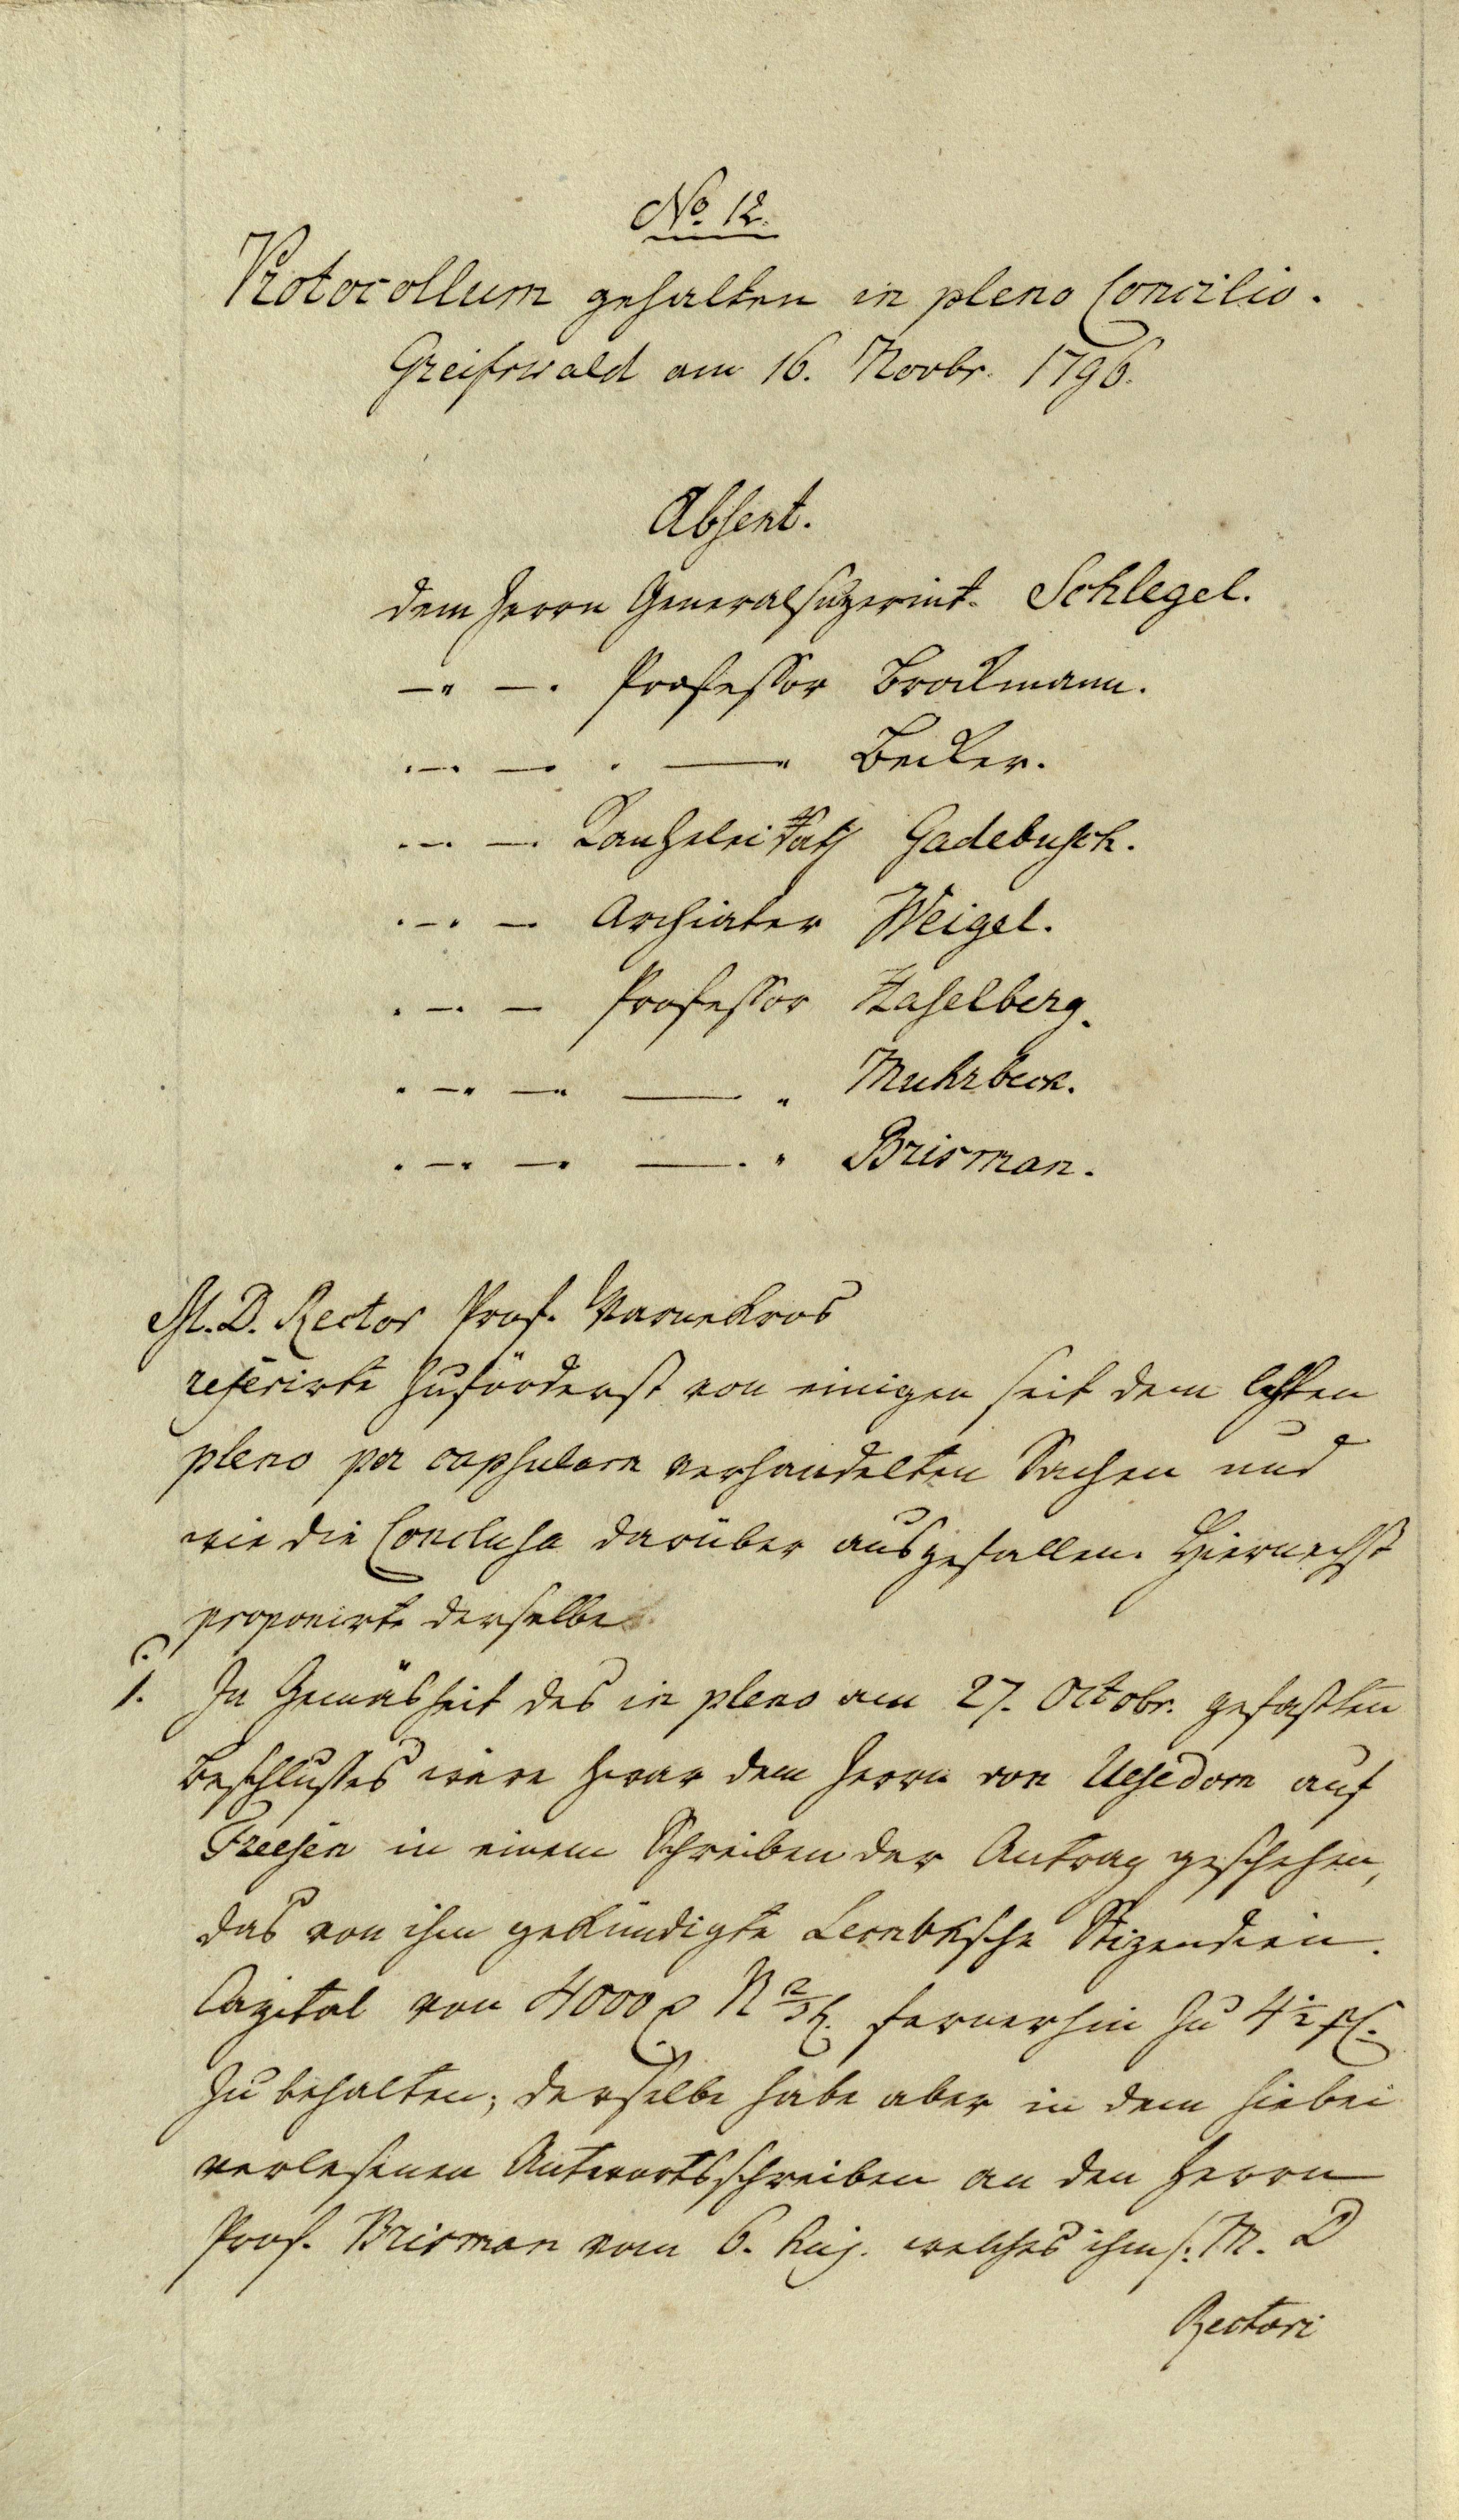No 12.
Protocollum gehalten in pleno Concilio.
Greifswald am 16. Novbr. 1796.
Absent.
dem Herrn Generalsuperint. Schlegel.
Professor Brockmann.
Becker.
Kanzelei Rath Gadebusch.
Archiater Weigel.
Professor Haselberg.
Muhrbeck.
Brisman.
M. D. Rector Prof. Warnekros
referirte zuförderst von einigen seit dem lezten
pleno per Capsulam verhandelten Sachen und
wie die Conclusa darüber ausgefallen. Hiernechst
proponirte derselbe
1. In Gemäsheit des in pleno am 27. Octobr. gefaßten
Beschlusses wäre zwar dem Herrn von Uesedom auf
Freesen in einem Schreiben der Antrag geschehen,
das von ihm gekündigte Lembksche Stipendien
Capital von 4000 l. N ¾ h. fernerhin zu 4 ½ pl.
zu behalten; derselbe habe aber in dem hiebei
verlesenen Antwortsschreiben an den Herrn
Prof. Brisman vom 6. huj. welches ihm /: M.D
Rectori